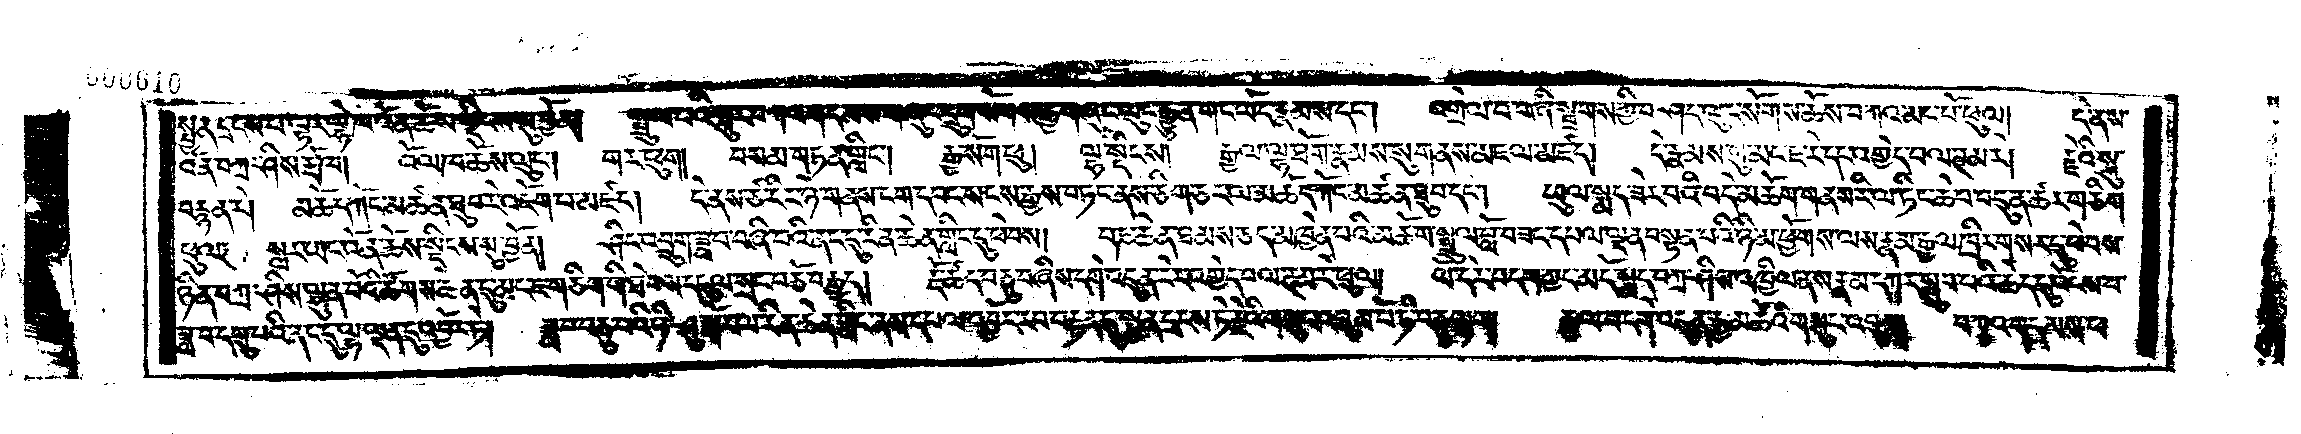སྤྱན་དྲངས་པ་ལྟར་ལྷེ་ཁ་འོན་ཆོས་སྡིངས་སུ་བྱོན། སྤྲུལ་བའི་སྐུར་བཀའ་གདམས་གཞུང་དྲུག་སོགས་རྒྱ་གཞུང་ལུང་རྒྱུན་གང་ཡོད་རྣམས་དང་། འགྲེལ་བ་བཞི་སྦྲགས་ཀྱི་བཤད་ལུང་སོགས་ཆོས་བཀའ་མང་པོ་ཕུལ། དེ་ནས་
འོན་བཀྲ་ཤིས་རྡོ་ཁ། འོལ་ཁ་ཆོས་ལུང་། གར་ཕུག། བསམ་གཏན་གླིང་། རྒྱ་སོག་ཕུ། ལྷ་སྡིངས། རྒྱལ་ལྷ་ཐོག་རྣམས་སུ་གནས་མཇལ་མཛད། དེ་རྣམས་སུ་མང་ཇ་རེ་དང་འགྱེད་བལ་ཊམ་རེ། རྗེའི་སྐུ་
བརྙན་རེ། མཆོད་ཀོང་མཚན་ཐུབ་རེ་འཇོག་བ་མཛད། དེ་ནས་ཙ་རིར་ཉེ་གནས་ངག་དབང་སངས་རྒྱས་བཏང་ནས་ཅི་གཅར་ལ་མཆོད་ཀོང་མཚན་ཐུབ་དང་། ཡུལ་སྨད་ཟེར་བའི་བདེ་མཆོག་གནས་རི་ལ་ཏིང་ཆེ་བ་བདུན་ཚར་གཅིག་
ཕུལ༑ སླར་ཡང་འོན་ཆོས་སྡིངས་སུ་བྱོན། ཤིང་འབྲུག་ཟླ་བ་བཞི་བའི་ནང་དུ་རིན་ཆེན་གླིང་དུ་ཕེབས། པཎ་ཆེན་ཐམས་ཅད་མཁྱེན་པའི་མཆོག་སྤྲུལ་བློ་བཟང་དཔལ་ལྡན་བསྟན་པའི་ཉི་མ་ཕྱོགས་ལས་རྣམ་རྒྱལ་ཁྲིར་གསར་དུ་ཕེབས་
ཉིན་བཀྲ་ཤིས་ལྷུན་པོའི་ཚོགས་ཆེན་དུ་མང་ཇ་གཅིག་གི་ཐེབས་དངུལ་སྲང་བཅོ་བརྒྱད། རྡོ་ཚད་བཅུ་བཞིས་དགེ་འདུན་རེར་འགྱེད་བལ་ཊམ་རེ་ཕུལ། ལོ་དེར་བདག་ཀྱང་མདོ་སྨད་བཀྲ་ཤིས་འཁྱིལ་ནས་རྣམ་དཀར་སྒྲུབ་པའི་ཆེད་དུ་འོངས་པ་
ཟླ་བ་དགུ་པའི་ནང་དུ་ལྷ་ལྡན་དུ་འབྱོར་ཏེ། ཟླ་བ་བཅུ་བའི་ཉི་ཤུ་སྐོར་ལ་རིན་ཆེན་གླིང་ནས་དཔལ་འབྱོར་རབ་བརྟན་དུ་སྤྱན་དྲངས་ཏེ་རྗེའི་གསུང་འབུམ་པོ་ཏི་བཅུ་ལྷག། རྒྱལ་བ་དགེ་འདུན་རྒྱ་མཚོའི་གསུང་འབུམ། བཀའ་གདམས་ཕ་